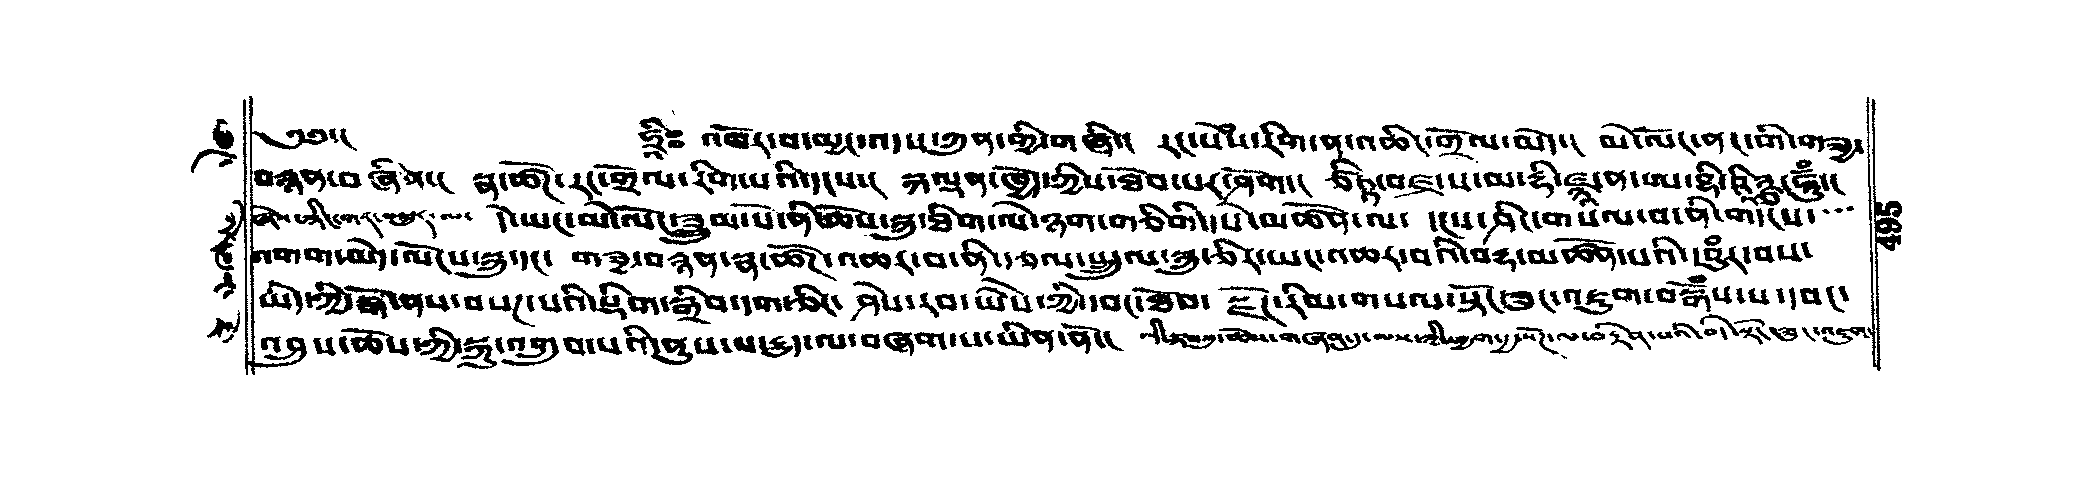ཧྲཱིཿ འཁོར་བ་མྱང་འདས་ཀུན་གྱི་གཞི། །རང་སེམས་རིག་ན་འཆིང་གྲོལ་མེད། །མེ་ལོང་ནང་གི་གཟུགས་
བརྙན་བཞིན། །སྣ་ཚོགས་རང་གྲོལ་རིག་པའི་དྭངས། །སྐལ་ལྡན་ཁྱོད་ཀྱིས་ཐོབ་པར་ཤོག་།ཙིཏྟ་བཛྲ་ས་མ་དྷི་ཛྙ་ན་ཨ་བྷི་རཱིཉྩ་ཧཱུྃ། 
ཞེས་སྙིང་གར་བསྐུར་ལ། དེ་ཡང་མེ་ལོང་ཟླུམ་པོ་ནི་ཆོས་སྐུ་ཐིག་ལེ་ཉག་གཅིག་གི་དཔེ་མཚོན་ལ། དྭངས་ཤིང་གསལ་བ་ནི་གདངས་
འགག་མེད་ལོངས་སྐུ་དང་། གཟུགས་བརྙན་སྣ་ཚོགས་འཆར་བ་ནི་རྩལ་སྤྲུལ་སྐུ་ཅིར་ཡང་འཆར་བའི་བརྡ་མཚོན་པའི་དབང་བསྐུར་བས་
ཡིད་ཀྱི་སྒོ་ནས་བསགས་པའི་སྡིག་སྒྲིབ་དག་ཅིང་། ཤེས་རབ་ཡེ་ཤེས་ཀྱི་དབང་ཐོབ། རྫོགས་རིམ་གསལ་སྟོང་ཟུང་འཇུག་བསྒོམ་པ་དབང་། 
འབྲས་བུ་ཆོས་ཀྱི་སྐུ་འགྲུབ་པའི་ནུས་པ་རྒྱུད་ལ་བཞག་པ་ཡིན་ནོ། འདི་སྐབས་སུ་ཆོས་གཞན་དུ་ལས་ཀྱི་ཕྱག་རྒྱ་སོགས་ལ་བརྟེན་པའི་བདེ་སྟོང་ཟུང་འཇུག་